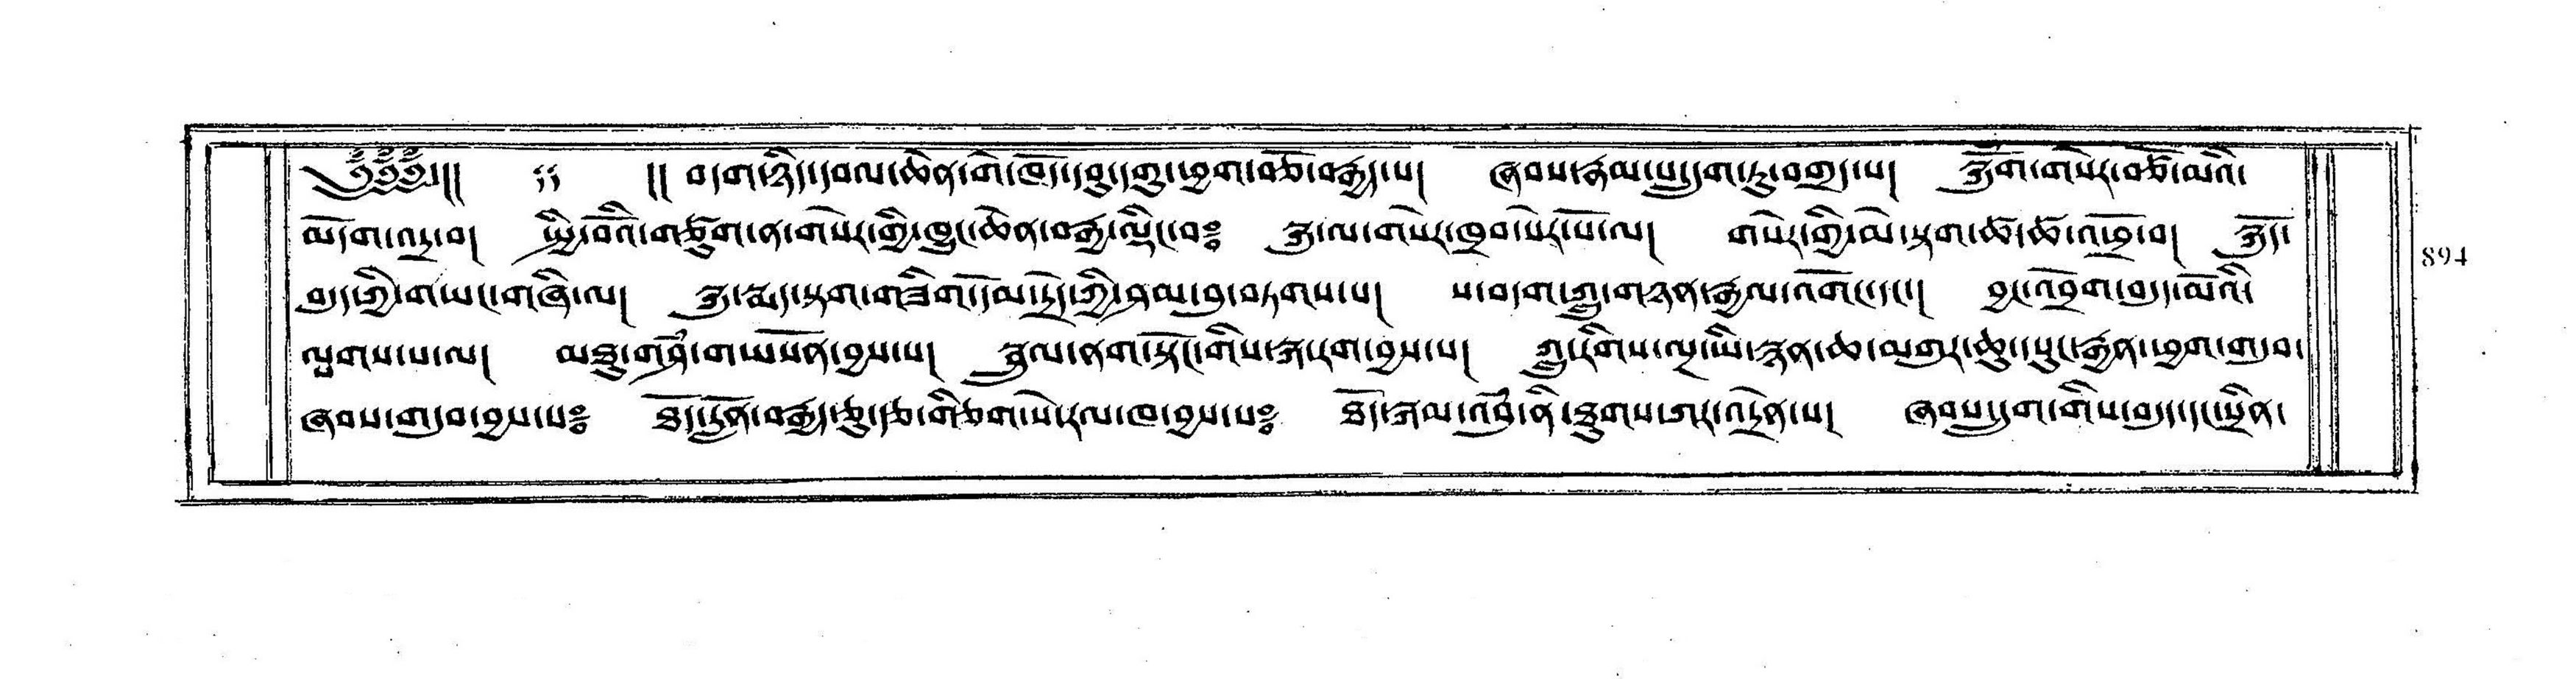༄༅༅།། །།བདག་ཉིད་དབལ་ཆེན་གེ་ཁོད་དབུ་དགུ་ཕྱག་བཅོ་བརྒྱད་པ། ཞབས་རྣམ་པ་དྲུག་ཏུ་བགྲད་པ། སྐུ་མདོག་གསེར་བཙོ་མའི་
མདོག་འདྲ་བ། སྤྱི་བོའི་གཙུག་ན་གསེར་གྱི་ཁྱུང་ཆེན་བརྒྱ་ལྡིང་བ༔ སྐུ་ལ་གསེར་ཁྲབ་སེར་པོ་ལ། གསེར་གྱི་མེ་སྟག་ཚ་ཚ་འཕྲོ་བ། སྐུ་སྟོད་
བདུད་ཀྱི་གཡང་གཞི་ལ། སྐུ་སྨད་སྟག་གཟིག་དོམ་དྲོད་ཀྱི་ཤམ་བུ་བཏགས་པ། ས་བདག་ཀླུ་གཉན་རྒྱལ་འགོང་དང་། བྱང་འབྲོག་བདུད་མོའི་
ལྤགས་པ་ལ། མཐུ་གཤམ་གཡས་གཡོན་བྱས་པ། སྦྲུལ་ནག་སྟོང་གིས་སྐ་རག་བྱས་པ། ཀླུ་རིགས་ལྔ་ཡི་སྙན་ཆ་མགུར་ཆུ་དཔུང་རྒྱན་ཕྱག་གདུབ་
ཞབས་གདུབ་བྱས་པ༔ ཐོད་རློན་བརྒྱད་ཅུ་རྩ་གཅིག་སེ་རལ་ཁ་བྱས་པ༔ ཐོད་སྐལ་འབུམ་ནི་ཐུགས་ཀར་འདྲེན་པ། ཞབས་དྲུག་གིས་བདུད་དང་སྲིན་